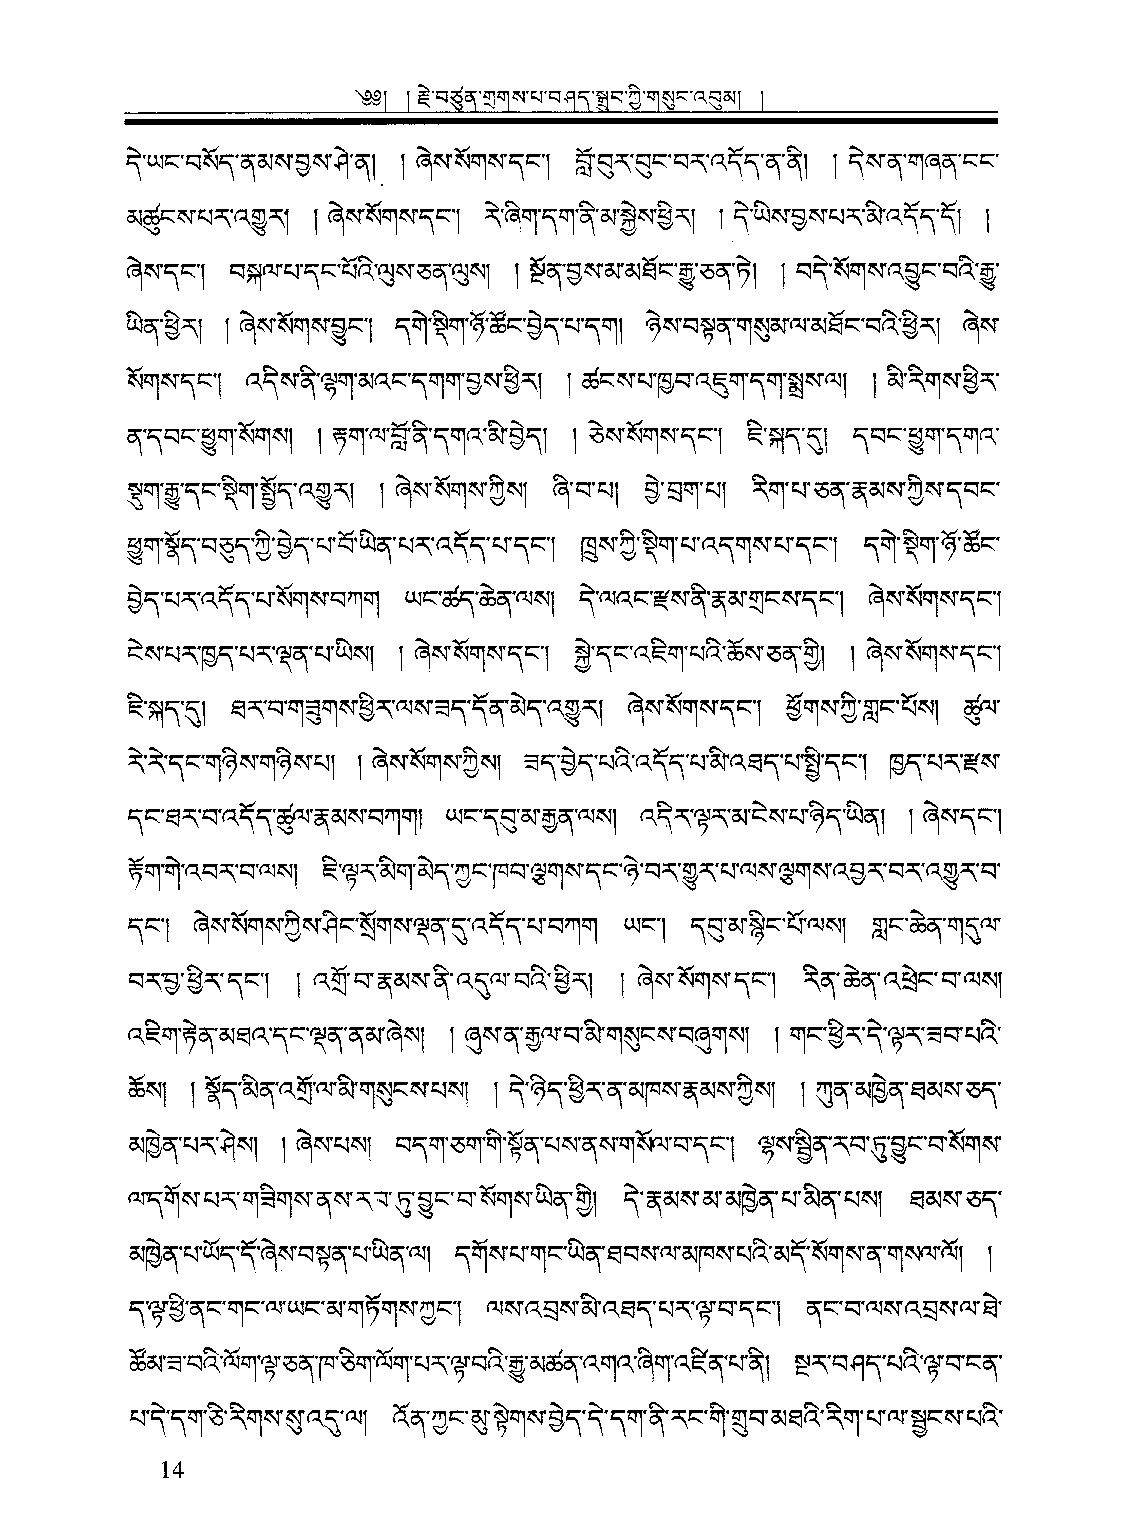དེ་ཡང་བསོད་ནམས་བྱས་ཤེ་ན། །ཞེས་སོགས་དང་། བློ་བུར་བུང་བར་འདོད་ན་ནི། །དེས་ན་གཞན་ངང་
མཚུངས་པར་འགྱུར། །ཞེས་སོགས་དང་། རེ་ཞིག་དག་ནི་མ་སྐྱེས་ཕྱིར། །དེ་ཡིས་བྱས་པར་མི་འདོད་དོ། །
ཞེས་དང་། བསྐལ་པ་དང་པོའི་ལུས་ཅན་ལུས། །སྔོན་བྱས་མ་མཐོང་རྒྱུ་ཅན་ཏེ། །བདེ་སོགས་འབྱུང་བའི་རྒྱུ་
ཡིན་ཕྱིར། །ཞེས་སོགས་བྱུང་། དགེ་སྡིག་ཉོ་ཚོང་བྱེད་པ་དག། ཉེས་བསྟན་གསུམ་ལ་མཐོང་བའི་ཕྱིར། ཞེས་
སོགས་དང་། འདིས་ནི་ལྷག་མའང་དགག་བྱས་ཕྱིར། །ཚངས་པ་ཁྱབ་འཇུག་དག་སྨྲས་ལ། །མི་རིགས་ཕྱིར་
ན་དབང་ཕྱུག་སོགས། །རྟག་ལ་བློ་ནི་དགའ་མི་བྱེད། །ཅེས་སོགས་དང་། ཇི་སྐད་དུ། དབང་ཕྱུག་དགའ་
སྡུག་རྒྱུ་དང་སྡིག་སྤྱོད་འགྱུར། །ཞེས་སོགས་ཀྱིས། ཞི་བ་པ། བྱེ་བྲག་པ། རིག་པ་ཅན་རྣམས་ཀྱིས་དབང་
ཕྱུག་སྣོད་བཅུད་ཀྱི་བྱེད་པ་བོ་ཡིན་པར་འདོད་པ་དང་། ཁྲུས་ཀྱི་སྡིག་པ་འདགས་པ་དང་། དགེ་སྡིག་ཉོ་ཚོང་
བྱེད་པར་འདོད་པ་སོགས་བཀག་ཡང་ཚད་ཆེན་ལས། དེ་ལའང་རྫས་ནི་རྣམ་གྲངས་དང་། ཞེས་སོགས་དང་།
ངེས་པར་ཁྱད་པར་ལྡན་པ་ཡིས། །ཞེས་སོགས་དང་། སྐྱེ་དང་འཇིག་པའི་ཆོས་ཅན་གྱི། །ཞེས་སོགས་དང་།
ཇི་སྐད་དུ། ཐར་བ་གཟུགས་ཕྱིར་ལས་ཟད་དོན་མེད་འགྱུར། ཞེས་སོགས་དང་། ཕྱོགས་ཀྱི་གླང་པོས། ཚུལ་
རེ་རེ་དང་གཉིས་གཉིས་པ། །ཞེས་སོགས་ཀྱིས། ཟད་བྱེད་པའི་འདོད་པ་མི་འཐད་པ་སྤྱི་དང་། ཁྱད་པར་རྫས་
དང་ཐར་བ་འདོད་ཚུལ་རྣམས་བཀག། ཡང་དབུ་མ་རྒྱན་ལས། འདིར་ལྟར་མ་ངེས་པ་ཉིད་ཡིན། །ཞེས་དང་།
རྟོག་གེ་འབར་བ་ལས། ཇི་ལྟར་མིག་མེད་ཀྱང་ཁབ་ལྕགས་དང་ཉེ་བར་གྱུར་པ་ལས་ལྕགས་འབྱར་བར་འགྱུར་བ་
དང་། ཞེས་སོགས་ཀྱིས་ཤིང་སྲོགས་ལྡན་དུ་འདོད་པ་བཀག་ཡང་། དབུ་མ་སྙིང་པོ་ལས། གླང་ཆེན་གདུལ་
བར་བྱ་ཕྱིར་དང་། །འགྲོ་བ་རྣམས་ནི་འདུལ་བའི་ཕྱིར། །ཞེས་སོགས་དང་། རིན་ཆེན་འཕྲེང་བ་ལས།
འཇིག་རྟེན་མཐའ་དང་ལྡན་ནམ་ཞེས། །ཞུས་ན་རྒྱལ་བ་མི་གསུངས་བཞུགས། །གང་ཕྱིར་དེ་ལྟར་ཟབ་པའི་
ཆོས། །སྣོད་མིན་འགྲོ་ལ་མི་གསུངས་པས། །དེ་ཉིད་ཕྱིར་ན་མཁས་རྣམས་ཀྱིས། །ཀུན་མཁྱེན་ཐམས་ཅད་
མཁྱེན་པར་ཤེས། །ཞེས་པས། བདག་ཅག་གི་སྟོན་པས་ནས་གསོལ་བ་དང་། ལྷས་སྦྱིན་རབ་ཏུ་བྱུང་བ་སོགས་
ལ་དགོས་པར་གཟིགས་ནས་རབ་ཏུ་བྱུང་བ་སོགས་ཡིན་གྱི། དེ་རྣམས་མ་མཁྱེན་པ་མིན་པས། ཐམས་ཅད་
མཁྱེན་པ་ཡོད་དོ་ཞེས་བསྟན་པ་ཡིན་ལ། དགོས་པ་གང་ཡིན་ཐབས་ལ་མཁས་པའི་མདོ་སོགས་ན་གསལ་ལོ། །
ད་ལྟ་ཕྱི་ནང་གང་ལ་ཡང་མ་གཏོགས་ཀྱང་། ལས་འབྲས་མི་འཐད་པར་ལྟ་བ་དང་། ནང་བ་ལས་འབྲས་ལ་ཐེ་
ཚོམ་ཟ་བའི་ལོག་ལྟ་ཅན་ཁ་ཅིག་ལོག་པར་ལྟ་བའི་རྒྱུ་མཚན་འགའ་ཞིག་འཛིན་པ་ནི། སྔར་བཤད་པའི་ལྟ་བ་ངན་
པ་དེ་དག་ཅི་རིགས་སུ་འདུ་ལ། འོན་ཀྱང་མུ་སྟེགས་བྱེད་དེ་དག་ནི་རང་གི་གྲུབ་མཐའི་རིག་པ་ལ་སྦྱངས་པའི་